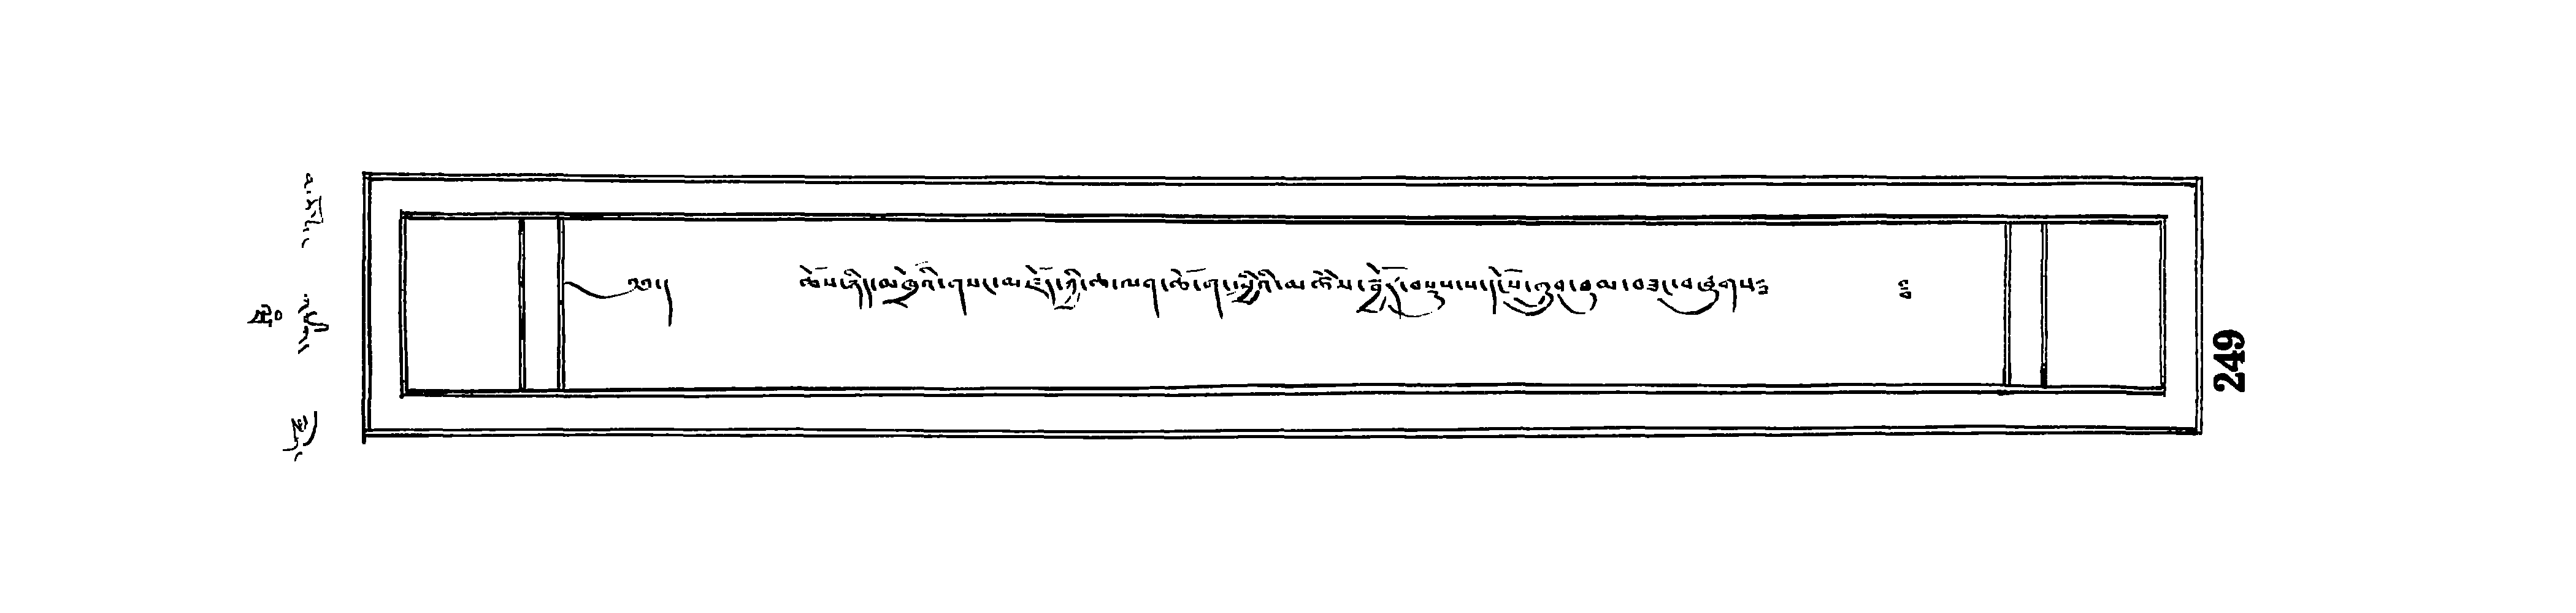༄༅་། ཆོས་ཉིད་མཁའ་འགྲོའི་གསང་མཛོད་ཀྱི་ཆ་ལག་ཆོ་ག་སྤྱིའི་མཚམས་སྦྱོར་བསྡུས་པ་དངོས་གྲུབ་བུམ་བཟང་བཞུགས༔